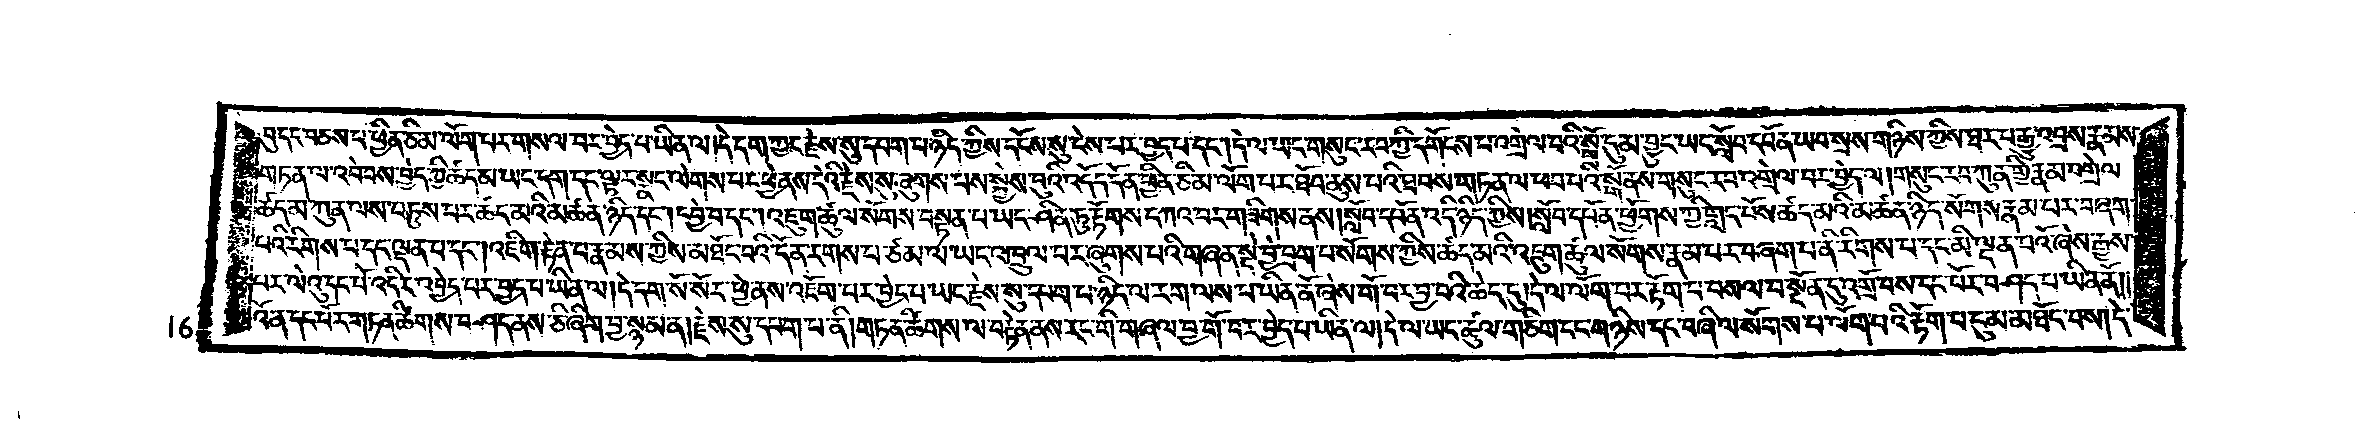བུ་དང་བཅས་པ་ཕྱིན་ཅི་མ་ལོག་པར་གསལ་བར་བྱེད་པ་ཡིན་ལ། དེ་དག་ཀྱང་རྗེས་སུ་དཔག་པ་ཉིད་ཀྱིས་དངོས་སུ་ངེས་པར་བྱེད་པ་དང་། དེ་ལ་ཡང་གསུང་རབ་ཀྱི་དགོངས་པ་འགྲེལ་བའི་སྒོ་དུ་མ་བྱུང་ཡང་སློབ་དཔོན་ཡབ་སྲས་གཉིས་ཀྱིས་ཐར་པ་རྒྱུ་འབྲས་རྣམས་
གཏན་ལ་འབེབས་བྱེད་ཀྱི་ཚད་མ་ཡང་དག་དང་ལྟར་སྣང་ལེགས་པར་ཕྱེ་ནས་དེའི་རྗེས་སུ་ཞུགས་པས་སྐྱེས་བུའི་འདོད་དོན་ཕྱིན་ཅི་མ་ལོག་པར་ཐོབ་ནུས་པའི་ཐབས་གཏན་ལ་ཕབ་པའི་སྒོ་ནས་གསུང་རབ་འགྲེལ་བར་བྱེད་ལ། གསུང་རབ་ཀུན་གྱི་རྣམ་འགྲོལ་
ཚད་མ་ཀུན་ལས་བཏུས་པར་ཚད་མའི་མཚན་ཉིད་དང་། དབྱེ་བ་དང་། འཇུག་ཚུལ་སོགས་བསྟན་པ་ཡང་ཤིན་ཏུ་རྟོགས་དཀའ་བར་གཟིགས་ནས། སློབ་དཔོན་འདི་ཉིད་ཀྱིས། སློབ་དཔོན་ཕྱོགས་ཀྱི་གླང་པོས་ཚད་མའི་མཚན་ཉིད་སོགས་རྣམ་པར་བཞག་
པའི་རིགས་པ་དང་ལྡན་པ་དང་། འཇིག་རྟེན་པ་རྣམས་ཀྱིས་མཐོང་བའི་དོན་རིགས་པ་ཙམ་ལ་ཡང་འཁྲུལ་པར་ཞུགས་པའི་གཞན་སྡེ་བྱེ་བྲག་པ་སོགས་ཀྱིས་ཚད་མའི་འཇུག་ཚུལ་སོགས་རྣམ་པར་བཞག་པ་ནི་རིགས་པ་དང་མི་ལྡན་པའོ་ཞེས་རྒྱས་
པར་ལེའུ་དང་པོ་འདིར་འབྱེད་པར་བྱད་པ་ཡིན་ལ། དེ་དག་སོ་སོར་ཕྱེ་ནས་འཇོག་པར་བྱེད་པ་ཡང་རྗེས་སུ་དཔག་པ་ཉིད་ལ་རག་ལས་པ་ཡིན་ནོ་ཞེས་གོ་བར་བྱ་བའི་ཆེད་དུ། དེ་ལ་ལོག་པར་རྟོག་པ་བསལ་བ་སྔོན་དུ་འགྲོ་བས་དང་པོར་བཤད་པ་ཡིན་ནོ།།
འོ་ན་དང་པོར་གཏན་ཚིགས་བཤད་ནས་ཅི་ཞིག་བྱ་སྙམ་ན། རྗེས་སུ་དཔག་པ་ནི། གཏན་ཚིགས་ལ་བརྟེན་ནས་རང་གི་གཞལ་བྱ་གོ་བར་བྱེད་པ་ཡིན་ལ། དེ་ལ་ཡང་ཚུལ་གཅིག་དང་གཉིས་དང་བཞི་ལ་སོགས་པ་ལོག་པའི་རྟོག་པ་དུ་མ་མཐོང་བས། དེ་